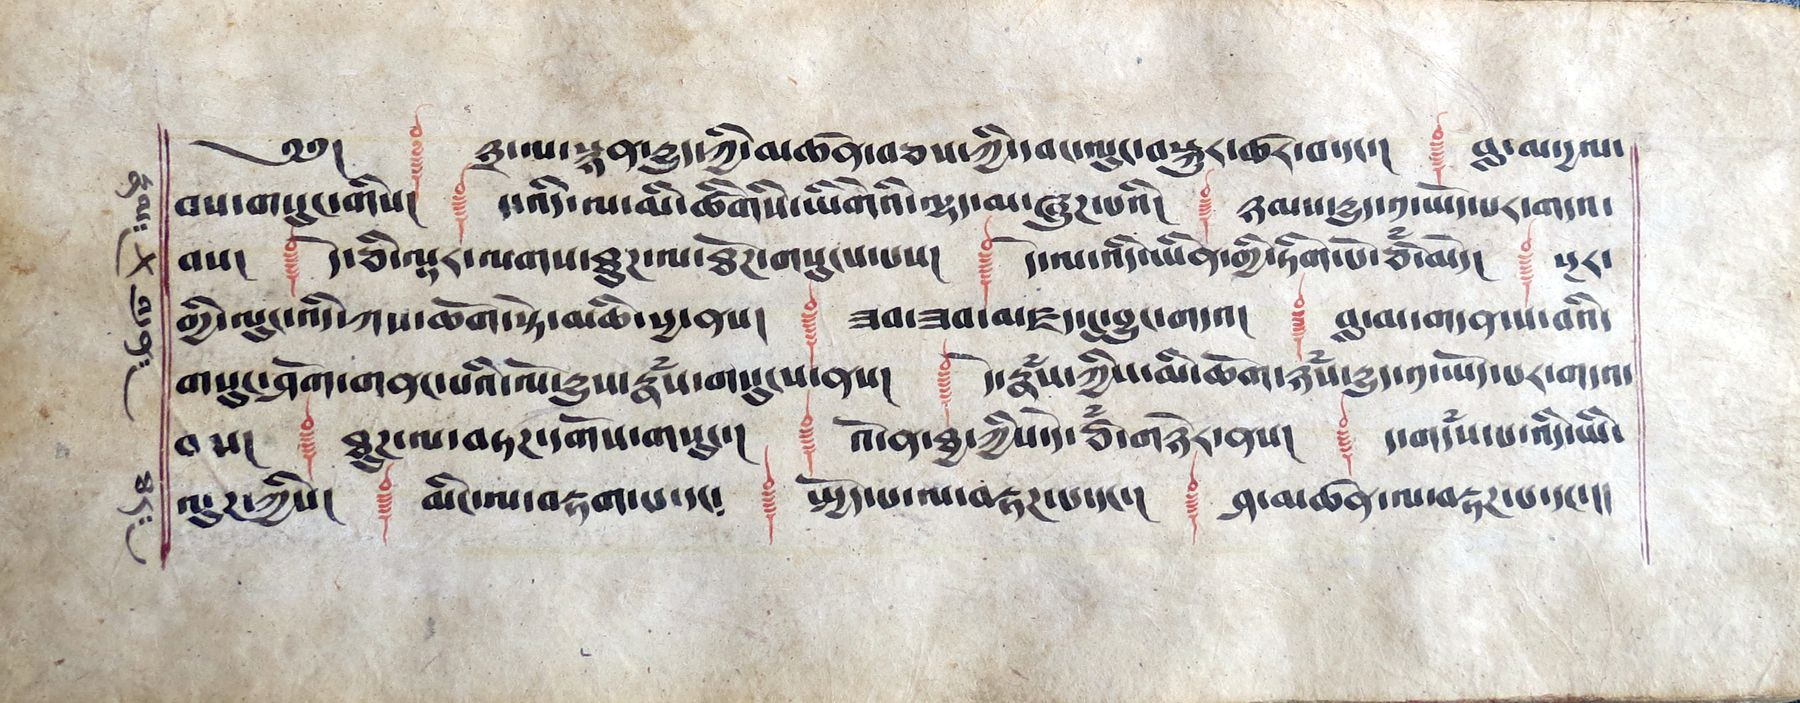གསུམ་ལ་སྙན་རྒྱུད་ཀྱི་མཚན་བཅས་ཀྱི་དབང་ལུང་བསྐུར་ཚར་བ་དང་། བླ་མ་རྒྱལ་
བའི་གསུང་གིས། ད་འདི་ལ་མི་ཚིག་ཡི་གེའི་ལྷད་མ་ཞུགས་པའི་ཉམས་རྒྱུད་ཞིག་ཡོད་པར་གདའ་
བས། དེ་ཇི་ལྟར་ལགས་ཐུགས་ལ་ཐོགས་གསུངས་པས། དེ་ལ་འདི་ཡིན་གྱི་ཏིག་པོ་ཙམ་མེད། སྔར་
གྱི་ལུང་འདི་ཀས་ཆོག་སྟེ་མཆིས་གསུངས་ནས། ཟབ་ཟབ་མཛད་དུ་བྱུང་གདའ། བླ་མ་གདན་ས་བས་
གསུང་ཤོག་གནང་བའི་ལོ་རྒྱུས་རྣམས་གསུངས་ནས། དེ་རྣམས་ཀྱིས་མི་ཆོག་ཉམས་རྒྱུད་ཅིག་ཡོད་པར་གདའ་
བས་ཐུགས་ལ་བཏགས་དགོས་གསུངས། འོ་ན་ཐུགས་ཀྱིས་དེ་ཙམ་གཉེར་ན། ད་གདམས་པ་འདིའི་
ལུགས་ཀྱིས། མིང་ལ་བརྟག་པ་དང་། སྤྱོད་པ་ལ་བརྟག་པ་དང་། ཤ་མཚན་ལ་བརྟག་པ་དང་།